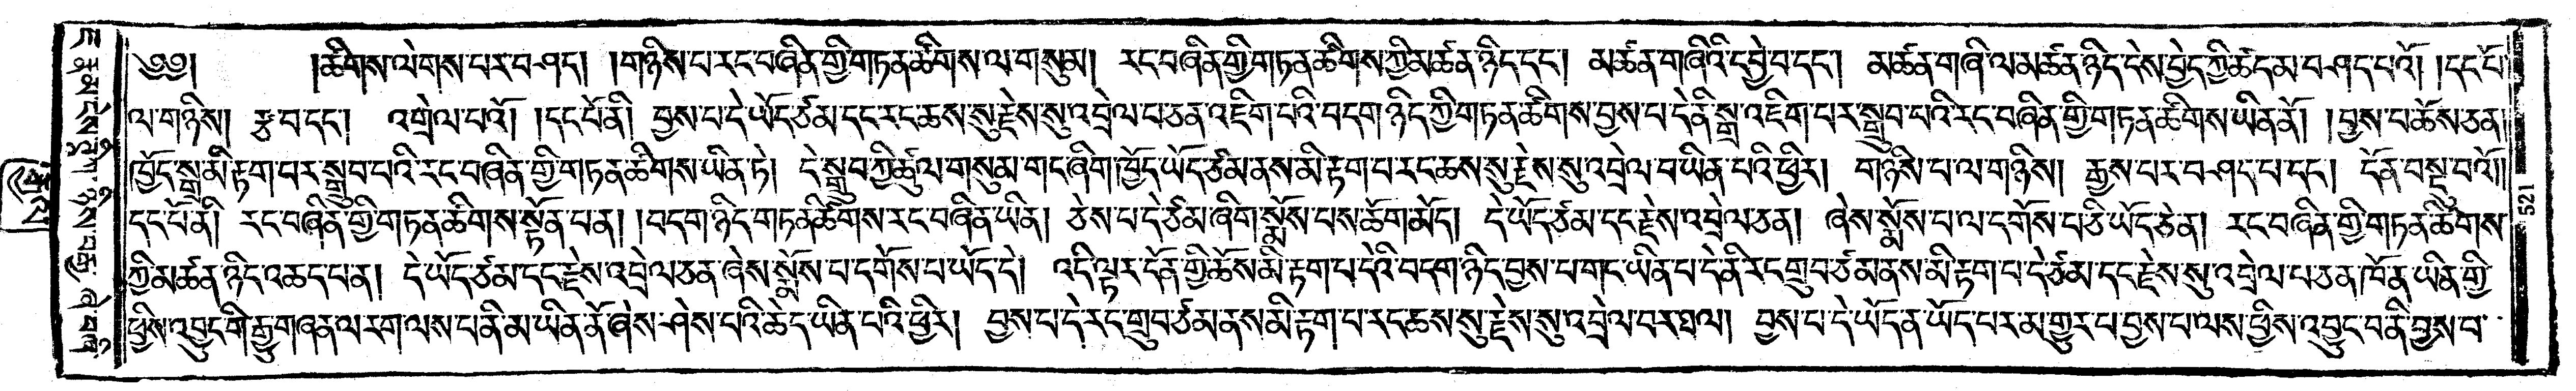༄༅། །ཚིགས་ལེགས་པར་བཤད། །གཉིས་པ་རང་བཞིན་གྱི་གཏན་ཚིགས་ལ་གསུམ། རང་བཞིན་གྱི་གཏན་ཚིགས་ཀྱི་མཚན་ཉིད་དང་། མཚན་གཞིའི་དབྱེ་བ་དང་། མཚན་གཞི་ལ་མཚན་ཉིད་ངེས་བྱེད་ཀྱི་ཚད་མ་བཤད་པའོ། །དང་པོ་
ལ་གཉིས། རྩ་བ་དང་། འགྲེལ་པའོ། །དང་པོ་ནི། བྱས་པ་དེ་ཡོད་ཙམ་དང་རང་ཆས་སུ་རྗེས་སུ་འབྲེལ་པ་ཅན་འཇིག་པའི་བདག་ཉིད་ཀྱི་གཏན་ཚིགས་བྱས་པ་དེ་ནི་སྒྲ་འཇིག་པར་སྒྲུབ་པའི་རང་བཞིན་གྱི་གཏན་ཚིགས་ཡིན་ནོ། །བྱས་པ་ཆོས་ཅན།
ཁྱོད་སྒྲ་མི་རྟག་པར་སྒྲུབ་པའི་རང་བཞིན་གྱི་གཏན་ཚིགས་ཡིན་ཏེ། དེ་སྒྲུབ་ཀྱི་ཚུལ་གསུམ་གང་ཞིག་ཁྱོད་ཡོད་ཙམ་ནས་མི་རྟག་པ་རང་ཆས་སུ་རྗེས་སུ་འབྲེལ་པ་ཡིན་པའི་ཕྱིར། གཉིས་པ་ལ་གཉིས། རྒྱས་པར་བཤད་པ་དང་། དོན་བསྡུ་བའོ།།
དང་པོ་ནི། རང་བཞིན་གྱི་གཏན་ཚིགས་སྟོན་པ་ན། །བདག་ཉིད་གཏན་ཚིགས་རང་བཞིན་ཡིན། ཅེས་པ་དེ་ཙམ་ཞིག་སྨོས་པས་ཆོག་མོད། དེ་ཡོད་ཙམ་དང་རྗེས་འབྲེལ་ཅན། ཞེས་སྨོས་པ་ལ་དགོས་པ་ཅི་ཡོད་ཅེ་ན། རང་བཞིན་གྱི་གཏན་ཚིགས་
ཀྱི་མཚན་ཉིད་འཆད་པ་ན། དེ་ཡོད་ཙམ་དང་རྗེས་འབྲེལ་ཅན་ཞེས་སྨོས་པ་དགོས་པ་ཡོད་དེ། འདི་ལྟར་དོན་གྱི་ཆོས་མི་རྟག་པ་དེའི་བདག་ཉིད་བྱས་པ་གང་ཡིན་པ་དེ་ནི་རང་གྲུབ་ཙམ་ནས་མི་རྟག་པ་དེ་ཙམ་དང་རྗེས་སུ་འབྲེལ་པ་ཅན་ཁོ་ན་ཡིན་གྱི་
ཕྱིས་འབྱུང་གི་རྒྱུ་གཞན་ལ་རག་ལས་པ་ནི་མ་ཡིན་ནོ་ཞེས་ཤེས་པའི་ཆེད་ཡིན་པའི་ཕྱིར། བྱས་པ་དེ་རང་གྲུབ་ཙམ་ནས་མི་རྟག་པ་རང་ཆས་སུ་རྗེས་སུ་འབྲེལ་པར་ཐལ། བྱས་པ་དེ་ཡོད་ན་ཡོད་པར་མ་གྱུར་པ་བྱས་པ་ལས་ཕྱིས་འབྱུང་བ་ནི་བྱས་པ་